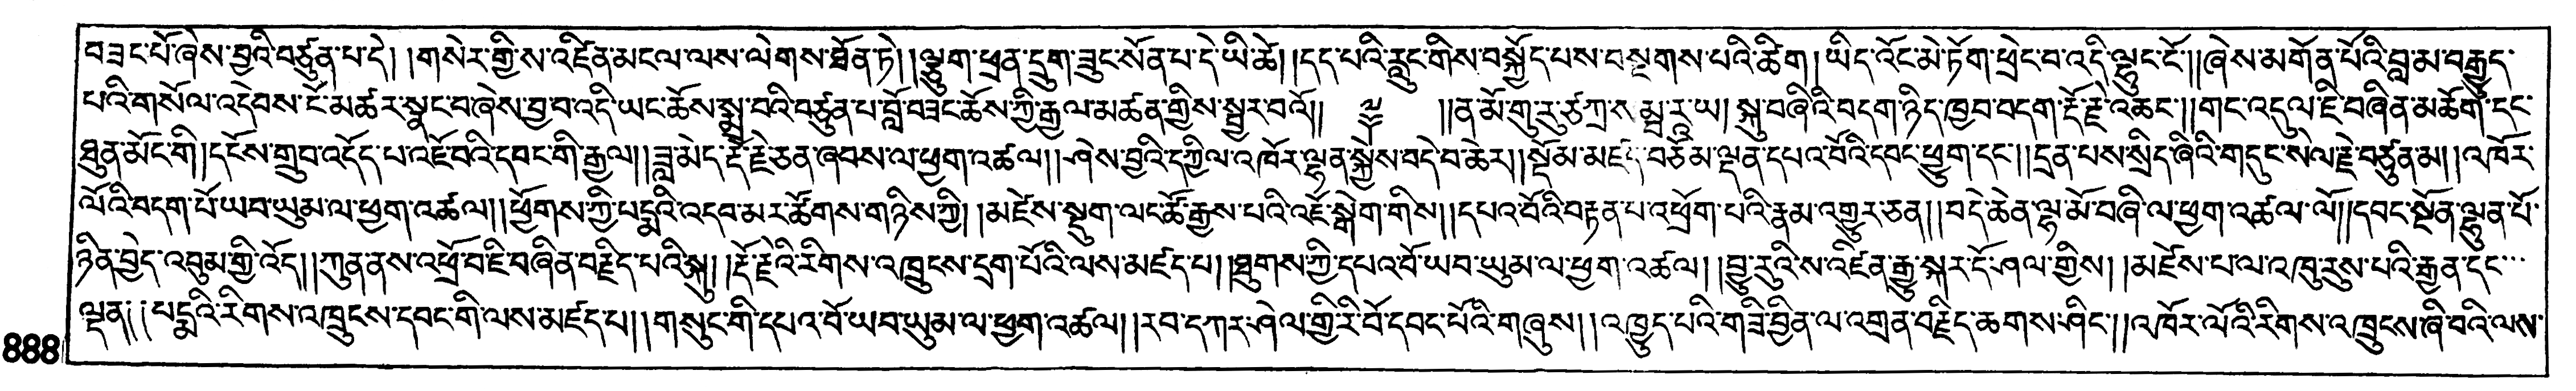བཟང་པོ་ཞེས་བྱའི་བཙུན་པ་དེ། །གསེར་གྱི་ས་འཛིན་མངལ་ལས་ལེགས་ཐོན་ཏེ། །ལྕུག་ཕྲན་དྲུག་ཟུང་སོན་པ་དེ་ཡི་ཚེ། །དད་པའི་རླུང་གིས་བསྐྱོད་པས་བསྔགས་པའི་ཚིག །ཡིད་འོང་མེ་ཏོག་ཕྲེང་བ་འདི་ལྷུང་ངོ། །ཞེས་མགོན་པོའི་བླ་མ་བརྒྱུད་
པའི་གསོལ་འདེབས་ངོ་མཚར་སྣང་བ་ཞེས་བྱ་བ་འདི་ཡང་ཆོས་སྨྲ་བའི་བཙུན་པ་བློ་བཟང་ཆོས་ཀྱི་རྒྱལ་མཚན་གྱིས་སྦྱར་བའོ།། ༈ །།ན་མོ་གུ་རུ་ཙཀྲ་སམྦ་རཱ་ཡ། སྐུ་བཞིའི་བདག་ཉིད་ཁྱབ་བདག་རྡོ་རྗེ་འཆང་། །གང་འདུལ་ཇི་བཞིན་མཆོག་དང་
ཐུན་མོང་གི །དངོས་གྲུབ་འདོད་པ་འཇོ་བའི་དབང་གི་རྒྱལ། །ཟླ་མེད་རྡོ་རྗེ་ཅན་ཞབས་ལ་ཕྱག་འཚལ། །ཤེས་བྱའི་དཀྱིལ་འཁོར་ལྷན་སྐྱེས་བདེ་བ་ཆེར། །སྡོམ་མཛད་བཅོམ་ལྡན་དཔའ་བོའི་དབང་ཕྱུག་དང་། །དྲན་པས་སྲིད་ཞིའི་གདུང་སེལ་རྗེ་བཙུན་མ། །འཁོར་
ལོའི་བདག་པོ་ཡབ་ཡུམ་ལ་ཕྱག་འཚལ། །ཕྱོགས་ཀྱི་པདམའི་འདབ་མར་ཚོགས་གཉིས་ཀྱི། །མཛེས་སྡུག་ལང་ཚོ་རྒྱས་པའི་འཇོ་སྒེག་གིས། །དཔའ་བོའི་བརྟན་པ་འཕྲོག་པའི་རྣམ་འགྱུར་ཅན། །བདེ་ཆེན་ལྷ་མོ་བཞི་ལ་ཕྱག་འཚལ་ལོ། །དབང་སྔོན་ལྷུན་པོ་
ཉིན་བྱེད་འབུམ་གྱི་འོད། །ཀུན་ནས་འཕྲོ་བ་ཇི་བཞིན་བརྗིད་པའི་སྐུ། །རྡོ་རྗེའི་རིགས་འཁྲུངས་དྲག་པོའི་ལས་མཛད་པ། །ཐུགས་ཀྱི་དཔའ་བོ་ཡབ་ཡུམ་ལ་ཕྱག་འཚལ། །བྱུ་རུའི་ས་འཛིན་རྒྱུ་སྐར་དོ་ཤལ་གྱིས། །མཛེས་པ་ལ་འཁུ་རུས་པའི་རྒྱན་དང་
ལྡན། །པདམའི་རིགས་འཁྲུངས་དབང་གི་ལས་མཛད་པ། །གསུང་གི་དཔའ་བོ་ཡབ་ཡུམ་ལ་ཕྱག་འཚལ། །རབ་དཀར་ཤེལ་གྱི་རི་བོ་དབང་པོའི་གཞུས། །འཁྱུད་པའི་གཟི་བྱིན་ལ་འགྲན་བརྗིད་ཆགས་ཤིང་། །འཁོར་ལོའི་རིགས་འཁྲུངས་ཞི་བའི་ལས་